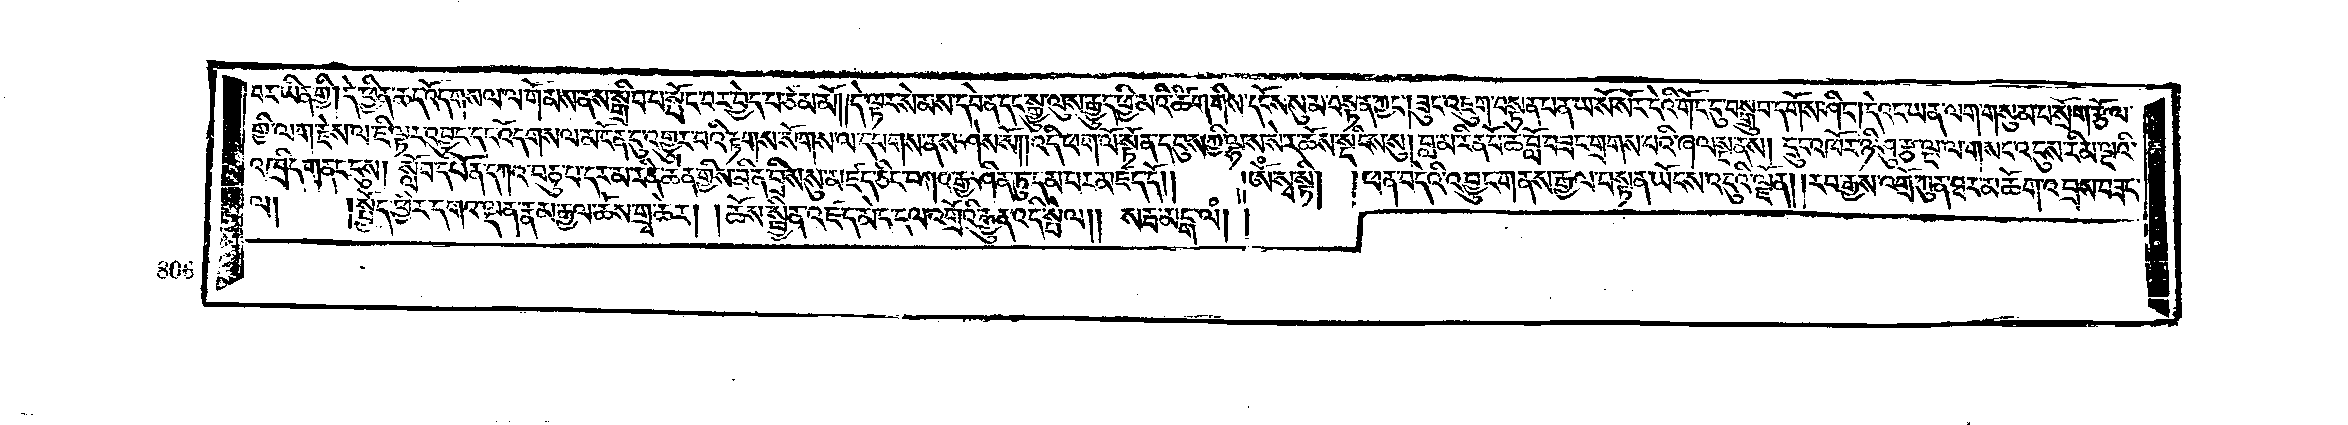བར་ཡིན་གྱི། དེ་ཕྱིན་ཆད་འོད་གསལ་ལ་གོམས་ནས་སྒྲིབ་པ་སྤོང་བར་བྱེད་པ་ཙམ་མོ། །དེ་ལྟར་སེམས་དབེན་དང་སྒྱུ་ལུས་རྒྱུད་ཕྱི་མའི་ཚིག་གིས་དངོས་སུ་མ་བསྟན་ཀྱང་། ཟུང་འཇུག་བསྟན་པ་ན་ཡ་སོ་སོར་དེའི་གོང་དུ་བསྒྲུབ་དགོས་ཤིང་། དེའང་ཡན་ལག་གསུམ་པ་སྲོག་རྩོལ་
གྱི་ལག་རྗེས་ལ་ཇི་ལྟར་འབྱུང་དང་འོད་གསལ་མངོན་དུ་འགྱུར་བའི་རྟགས་སོགས་ལ་དཔགས་ནས་ཤེས་སོ། །འདི་ཕག་ལོ་སྟོན་དབུས་ཀྱི་ལྷ་ས་སེར་ཆོས་སྡིངས་སུ། བླ་མ་རིན་པོ་ཆེ་བློ་བཟང་གྲགས་པའི་ཞལ་སྔ་ནས། དྲུང་འཁོར་ཉི་ཤུ་རྩ་ལྔ་ལ་གསང་འདུས་རིམ་ལྔའི་
འཁྲིད་གནང་དུས། སློབ་དཔོན་དཀའ་བཅུ་པ་དར་མ་རིན་ཆེན་གྱིས་ཟིན་ནྦྲིས་སུ་མཛད་ཅིང་བཀའི་རྒྱུ་ཤིན་ཏུ་དམ་པར་མཛད་དོ།། །།ཨོཾ་སྭ་སྟི། །ཕན་བདེའི་འབྱུང་གནས་རྒྱལ་བསྟན་ཡོངས་འདུའི་ལྗོན། །རབ་རྒྱས་འགྲོ་ཀུན་ཐར་མཆོག་འབྲས་བཟང་
ལ། །སྤྱོད་ཕྱིར་དགའ་ལྡན་རྣམ་རྒྱལ་ཆོས་གྲྭ་ཆེར། །ཆོས་སྦྱིན་འཛད་མེད་དལ་འགྲོའི་རྒྱུན་འདི་སྤེལ། །སརྦ་མངྒ་ལཾ། །